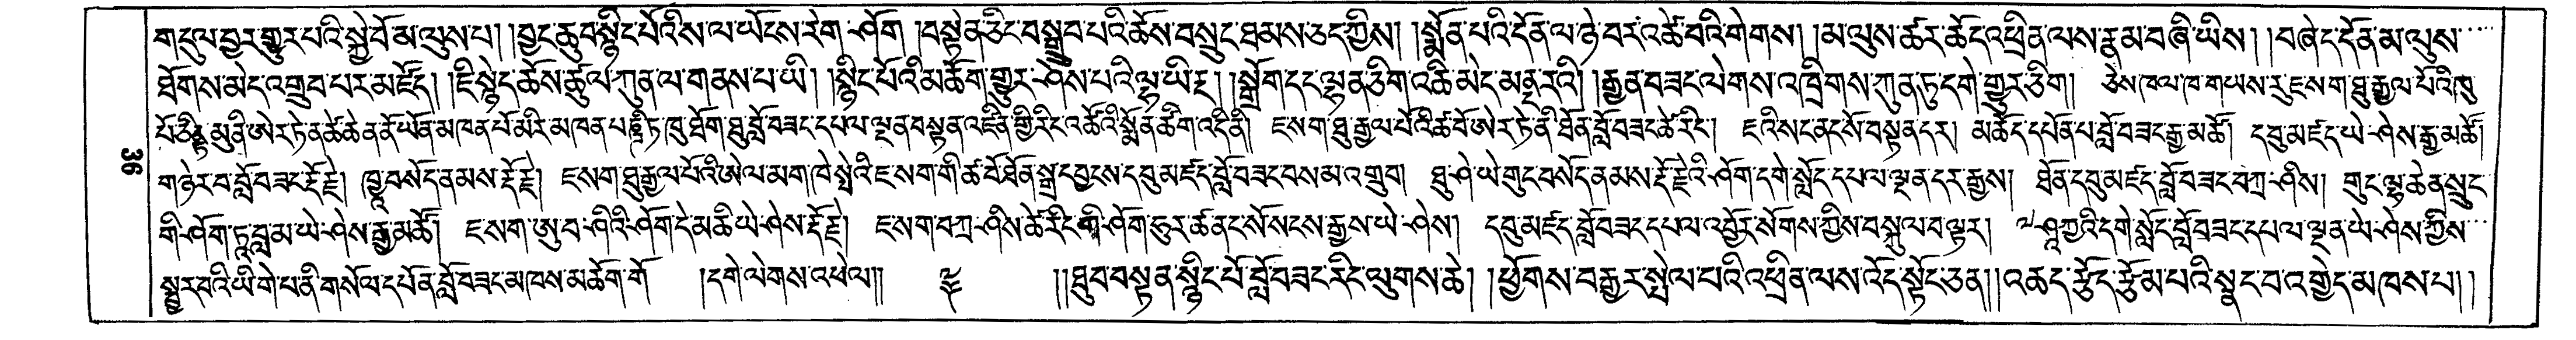གདུལ་བྱར་གྱུར་པའི་སྐྱེ་བོ་མ་ལུས་པ། །བྱང་ཆུབ་སྙིང་པོའི་ས་ལ་ཡོངས་རེག་ཤོག །བསྟེན་ཅིང་བསྒྲུབ་པའི་ཆོས་བསྲུང་ཐམས་ཅད་ཀྱིས། །སྨོན་པའི་དོན་ལ་ཉེ་བར་འཚེ་བའི་གེགས། །མ་ལུས་ཚར་ཆོད་འཕྲིན་ལས་རྣམ་བཞི་ཡིས། །བཞེད་དོན་མ་ལུས་
ཐོགས་མེད་འགྲུབ་པར་མཛོད། །ཇི་སྙེད་ཆོས་ཚུལ་ཀུན་ལ་གནས་པ་ཡི། །སྙིང་པོའི་མཆོག་གྱུར་ཤིས་པའི་ལྷ་ཡི་རྔ། །སྒྲོག་དང་ལྷན་ཅིག་འཆི་མེད་མནྡ་རའི། །རྒྱུན་བཟང་ལེགས་འཁྲིགས་ཀུན་ཏུ་དགེ་གྱུར་ཅིག། ཅེས་ཁལ་ཁ་གབས་རུ་ཇ་སག་ཐུ་རྒྱལ་པོའི་ཁུ་
བོ་ཅིན་ཏི་མུ་ནི་ཨེར་ཏེ་ནི་ཚེ་ཆེན་ནོ་ཡོན་མཁན་པོ་མིར་མཁན་པཎྜི་ཏ་ཁུ་ཐོག་ཐུ་བློ་བཟང་དཔལ་ལྡན་བསྟན་འཛིན་གྱི་རིང་འཚོའི་སྨོན་ཚིག་འདི་ནི། ཇ་སག་ཐུ་རྒྱལ་པོའི་ཚ་བོ་ཨེར་ཏེ་ནི་ཐོན་བློ་བཟང་ཚེ་རིང་། ཇའི་སང་ནང་སོ་བསྟན་དར། མཆོད་དཔོན་པ་བློ་བཟང་རྒྱ་མཚོ། དབུ་མཛད་ཡེ་ཤེས་རྒྱ་མཚོ།
གཉེར་བ་བློ་བཟང་རྡོ་རྗེ། ཁྱཱ་བསོད་ནམས་རྡོ་རྗེ། ཇ་སག་ཐུ་རྒྱལ་པོའི་ཨེལ་མག་ཁེ་སྦེའི་ཇ་སག་གི་ཚ་བོ་ཐོན་སྒྲ་དབྱངས་དབུ་མཛད་བློ་བཟང་བསམ་འགྲུབ། ཐུ་ཤེ་ཡེ་གུང་བསོད་ནམས་རྡོ་རྗེའི་ཤོག་དགེ་སློང་དཔལ་ལྡན་དར་རྒྱས། ཐོན་དབུ་མཛད་བློ་བཟང་བཀྲ་ཤིས། གུང་ལྷ་ཆེན་སྲུང་
གི་ཤོག་ཏཱ་བླ་མ་ཡེ་ཤེས་རྒྱ་མཚོ། ཇ་སག་ཨུ་པ་ཤིའི་ཤོག་དེ་མ་ཆི་ཡེ་ཤེས་རྡོ་རྗེ། ཇ་སག་བཀྲ་ཤིས་ཚེ་རིང་གི་ཤོག་ཧུར་ཚ་ནང་སོ་སངས་རྒྱས་ཡེ་ཤེས། དབུ་མཛད་བློ་བཟང་དཔལ་འབྱོར་སོགས་ཀྱིས་བསྐུལ་བ་ལྟར། ༧་ཤཱཀྱའི་དགེ་སློང་བློ་བཟང་དཔལ་ལྡན་ཡེ་ཤེས་ཀྱིས་
སྦྱར་བའི་ཡི་གེ་པ་ནི་གསོལ་དཔོན་བློ་བཟང་མཁས་མཆོག་གོ །དགེ་ལེགས་འཕེལ།། ༈ །།ཐུབ་བསྟན་སྙིང་པོ་བློ་བཟང་རིང་ལུགས་ཆེ། །ཕྱོགས་བརྒྱར་སྤེལ་བའི་འཕྲིན་ལས་འོད་སྟོང་ཅན། །འཆད་རྩོད་རྩོམ་པའི་སྣང་བ་འགྱེད་མཁས་པ།།